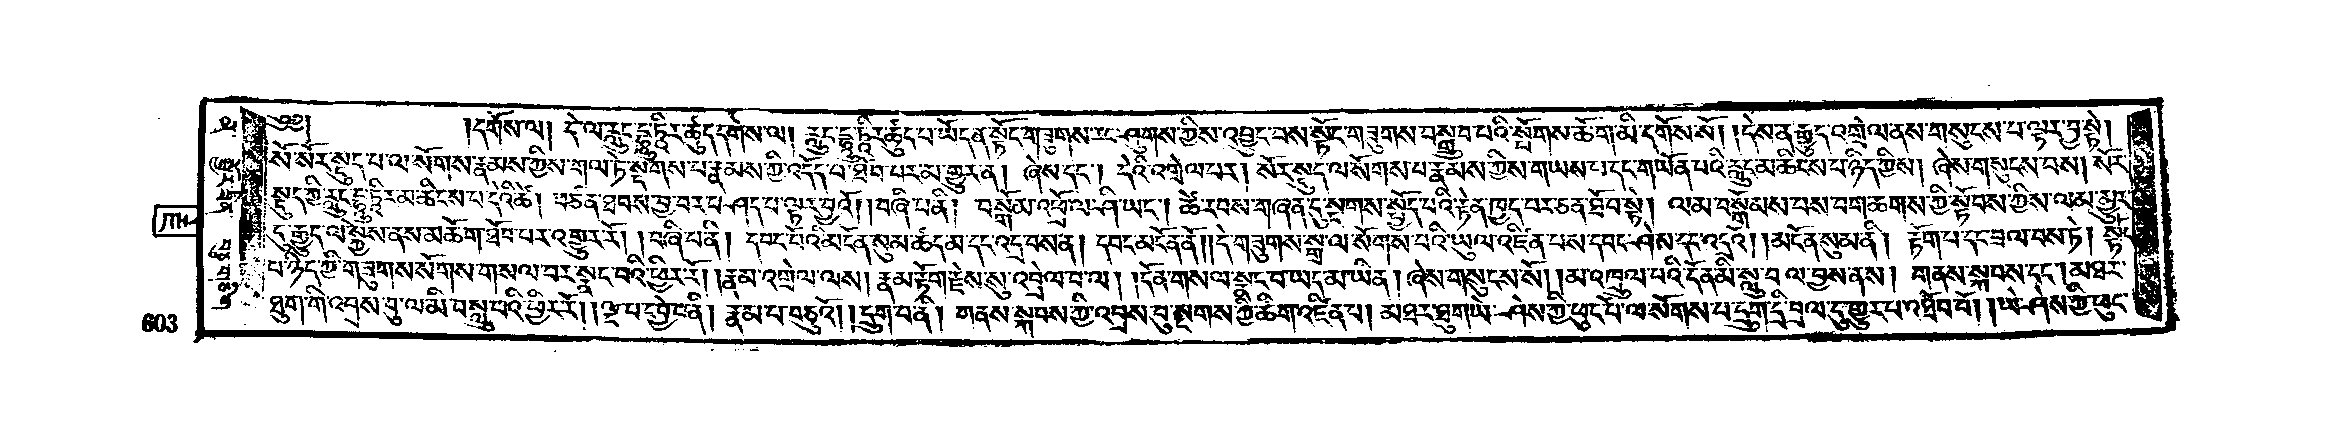༄༅། །དགོས་ལ། དེ་ལ་རླུང་དྷཱུ་ཏཱིར་ཚུད་དགོས་ལ། རླུང་དྷཱུ་ཏཱིར་ཚུད་པ་ཡོད་ན་སྟོང་གཟུགས་རང་ཤུགས་ཀྱིས་འབྱུང་བས་སྟོང་གཟུགས་བསྒྲུབ་པའི་སྤོགས་ཆོག་མི་དགོས་སོ། །དེས་ན་རྒྱུད་འགྲེལ་ནས་གསུངས་པ་ལྟར་བྱ་སྟེ།
སོ་སོར་སྡུད་པ་ལ་སོགས་རྣམས་ཀྱིས་གལ་ཏེ་སྔགས་པ་རྣམས་ཀྱི་འདོད་པ་ཐོབ་པར་མ་གྱུར་ན། ཞེས་དང་། དེའི་འགྲེལ་པར། སོར་སྡུད་ལ་སོགས་པ་རྣམས་ཀྱིས་གཡས་པ་དང་གཡོན་པའི་རླུང་མ་ཆིངས་པ་ཉིད་ཀྱིས། ཞེས་གསུངས་པས། སོར་
སྡུད་ཀྱི་རླུང་དྷཱུ་ཏཱིར་མ་ཆིངས་པ་དེའི་ཚེ། བཙན་ཐབས་བྱ་བར་བཤད་པ་ལྟར་བྱའོ། །བཞི་པ་ནི། བསྒོམ་འཕྲོ་ལ་ཤི་ཡང་། ཚེ་རབས་གཞན་དུ་སྔགས་སྤྱོད་པའི་རྟེན་ཁྱད་པར་ཅན་ཐོབ་སྟེ། ལམ་བསྒོམས་པས་བག་ཆགས་ཀྱི་སྟོབས་ཀྱིས་ལམ་མྱུར་
དུ་རྒྱུད་ལ་སྐྱེས་ནས་མཆོག་ཐོབ་པར་འགྱུར་རོ། །བཞི་པ་ནི། དབང་པོའི་མངོན་སུམ་ཚད་མ་དང་འདྲ་བས་ན། དབང་མངོན་ནོ། །དེ་གཟུགས་སྒྲ་ལ་སོགས་པའི་ཡུལ་འཛིན་པས་དབང་ཤེས་དང་འདྲའོ། །མངོན་སུམ་ནི། རྟོག་པ་དང་བྲལ་བས་ཏེ། སྟོང་
པ་ཉིད་ཀྱི་གཟུགས་སོགས་གསལ་བར་སྣང་བའི་ཕྱིར་རོ། །རྣམ་འགྲེལ་ལས། རྣམ་རྟོག་རྗེས་སུ་འབྲེལ་བ་ལ། །དོན་གསལ་སྣང་བ་ཡོད་མ་ཡིན། ཞེས་གསུངས་སོ། །མ་འཁྲུལ་པའི་དོན་མི་སླུ་བ་ལ་བྱས་ནས། གནས་སྐབས་དང་། མཐར་
ཐུག་གི་འབྲས་བུ་ལ་མི་བསླུ་བའི་ཕྱིར་རོ། །ལྔ་པ་དབྱེ་བ་ནི། རྣམ་པ་བཅུའོ། །དྲུག་པ་ནི། གནས་སྐབས་ཀྱི་འབྲས་བུ་སྔགས་ཀྱི་ཚིག་འཛིན་པ། མཐར་ཐུག་ཡེ་ཤེས་ཀྱི་ཕུང་པོ་ལ་སོགས་པ་དྲུག་དྲི་བྲལ་དུ་གྱུར་པ་འཐོབ་བོ། །ཡེ་ཤེས་ཀྱི་ཕུང་